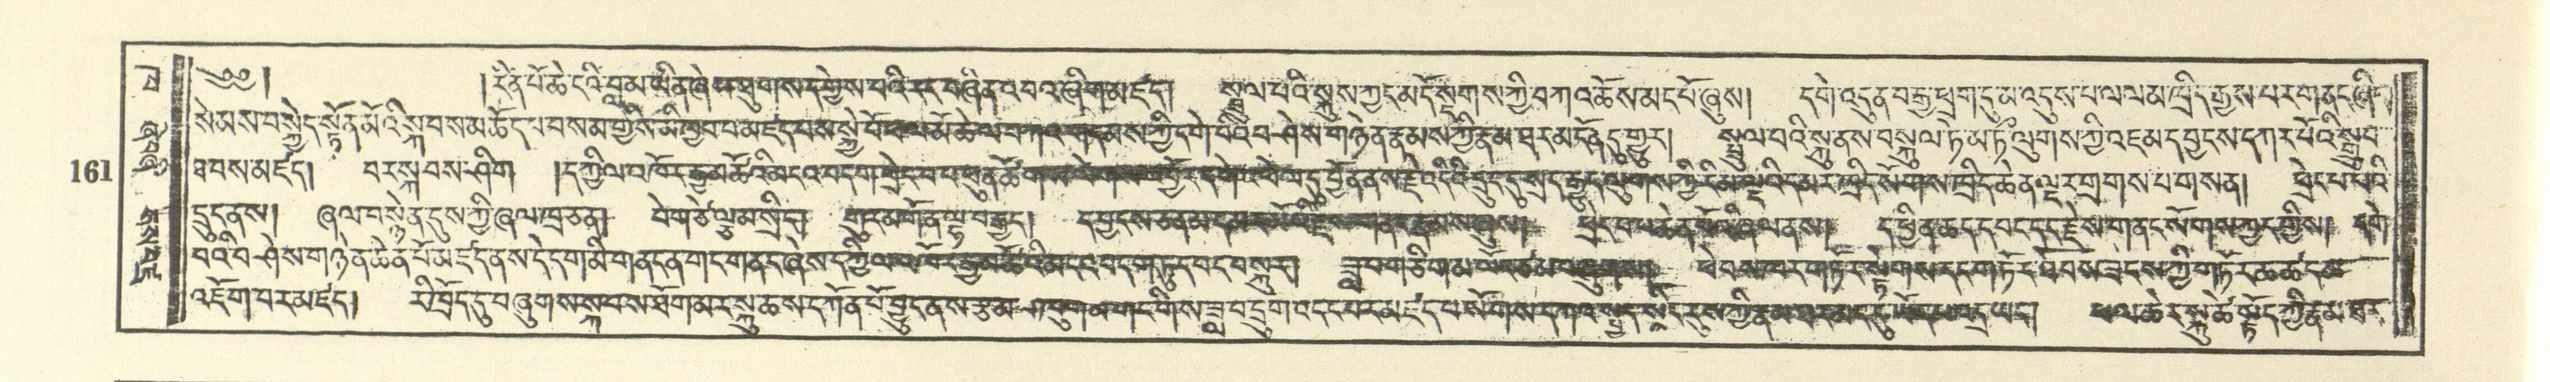༄༅། །རིན་པོ་ཆེ་ངའི་བླ་མ་ཡིན་ཞེས་ཐུགས་དགྱེས་པའི་རང་བཞིན་འབའ་ཞིག་མཛད། སྤྲུལ་པའི་སྐུས་ཀྱང་མདོ་སྔགས་ཀྱི་བཀའ་ཆོས་མང་པོ་ཞུས། དགེ་འདུན་བརྒྱ་ཕྲག་དུ་མ་འདུས་པ་ལ་ལམ་ཁྲིད་རྒྱས་པར་གནང་ཞིང་།
སེམས་བསྐྱེད་སྟོན་མོའི་སྐབས་མཆོད་པ་བསམ་གྱིས་མི་ཁྱབ་པ་མཛད་པས་སྐྱེ་བོ་ཕལ་མོ་ཆེ་ལ་བཀའ་གདམས་ཀྱི་དགེ་བའི་བཤེས་གཉེན་རྣམས་ཀྱི་རྣམ་ཐར་མངོན་དུ་གྱུར། སྤྲུལ་པའི་སྐུ་ནས་བསྐུལ་ཏེ་མ་ཏྀ་ལུགས་ཀྱི་འཇམ་དབྱངས་དཀར་པོའི་སྒྲུབ་
ཐབས་མཛད། བར་སྐབས་ཤིག །དཀྱིལ་འཁོར་རྒྱ་མཚོའི་མངའ་བདག་ཕྲེང་བ་པ་ཕུན་ཚོགས་ལེགས་འབྱོར་དགེ་འཕེལ་དུ་བྱོན་ནས་རྗེ་འདིའི་དྲུང་དུ་སྲད་རྒྱུད་ལུགས་ཀྱི་རིམ་ལྔའི་དམར་ཁྲིད་སོགས་ཁྲིད་ཆེན་ལྔར་གྲགས་པ་གསན། ཕྲེང་པ་པའི་
དྲུང་ནས། ཞལ་བསྙེན་དུས་ཀྱི་ཞལ་ཁྲ་ཅན། བེག་ཙེ་ལྕམ་སྲིང་། གུར་མགོན་ལྷ་བརྒྱད། དབྱངས་ཅན་མ་དམར་མོའི་རྗེས་གནང་རྣམས་ཞུས། ཕྲེང་བ་པ་ཆེན་པོའི་ཞལ་ནས། ད་ཕྱིན་ཆད་དབང་དང་རྗེས་གནང་སོགས་ཀྱང་ཀྱིས། དགེ་
བའི་བཤེས་གཉེན་ཆེན་པོ་མཛད་ནས་དེ་དག་མི་གནང་ན་གང་གནད་ཞེས་དཀྱིལ་འཁོར་རྒྱ་མཚོའི་མངའ་བདག་ཏུ་དབང་བསྐུར། ཟླ་བ་གཅིག་མ་ལོང་ཙམ་བཞུགས། ཕེབས་ཁར་གཏོར་སྟེགས་དང་གཏོར་ཐེབས་ཟངས་ཀྱི་གཏོར་ཆ་ཚད་མ་
འཇོག་པར་མཛད། རི་ཁྲོད་དུ་བཞུགས་སྐབས་ཐོག་མར་སྐུ་ཆས་དཀོན་པོ་བྱུང་ནས་རྩམ་པ་ཁུག་མ་གང་གིས་ཟླ་བ་དྲུག་འདང་བར་མཛད་པ་སོགས་དཀའ་སྤྱད་སྙིང་རུས་ཀྱི་རྣམ་ཐར་མང་དུ་ཡོད་པ་འདྲ་ཡང་། ཕལ་ཆེར་སྐུ་ཚེ་སྟོད་ཀྱི་རྣམ་ཐར་